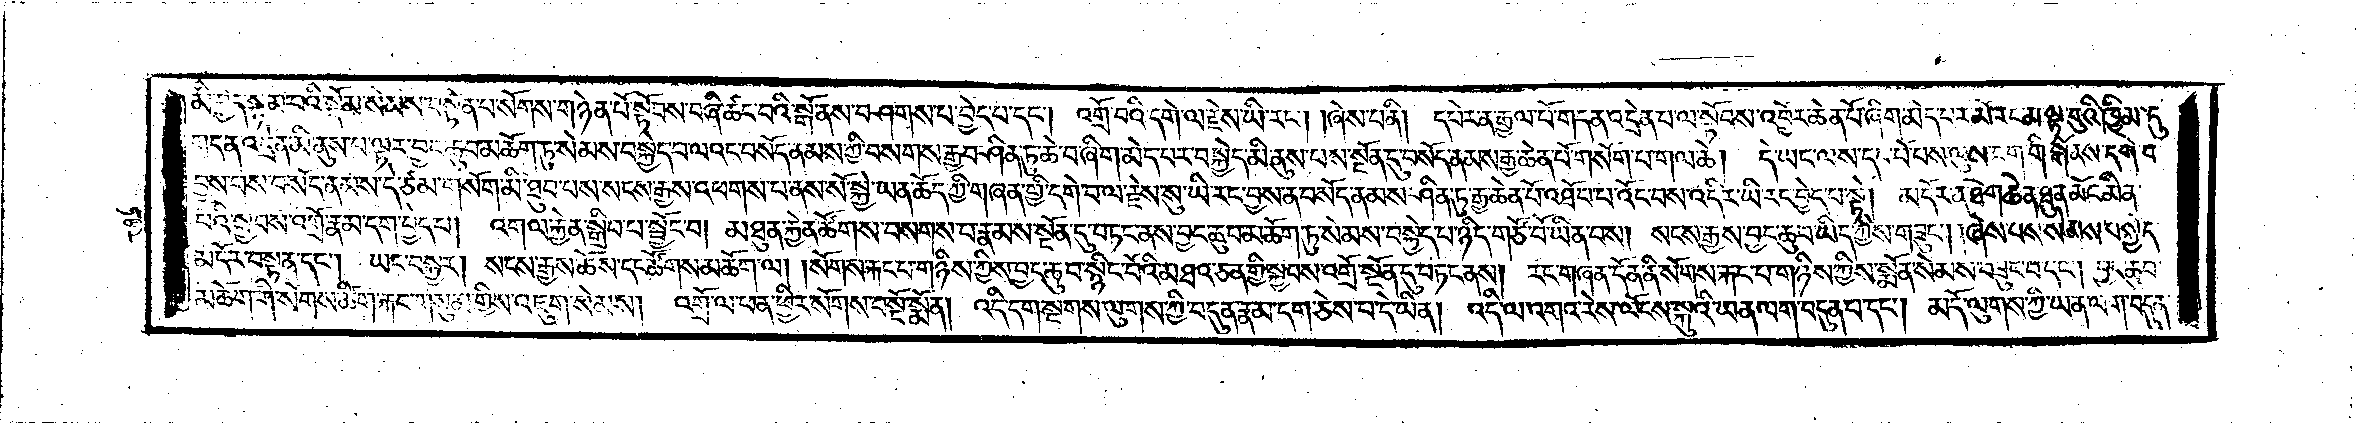མི་བྱེད་སྙམ་པའི་སྡོམ་སེམས་བསྟེན་པ་སོགས་གཉེན་པོ་སྟོབས་བཞི་ཚང་བའི་སྒོ་ནས་བཤགས་པ་བྱེད་པ་དང་། འགྲོ་བའི་དགེ་ལ་རྗེས་ཡི་རང་། །ཞེས་པ་ནི། དཔེར་ན་རྒྱལ་པོ་གདན་འདྲེན་པ་ལ་སྟོབས་འབྱོར་ཆེན་པོ་ཞིག་མེད་པར་མོ་རང་མ་ལྟ་བུའི་ཁྱིམ་དུ་
གདན་འདྲེན་མི་ནུས་པ་ལྟར་བྱང་ཆུབ་མཆོག་ཏུ་སེམས་བསྐྱེད་པ་ལའང་བསོད་ནམས་ཀྱི་བསགས་རྒྱབ་ཤིན་ཏུ་ཆེ་བ་ཞིག་མེད་པར་བསྐྱེད་མི་ནུས་པས་སྔོན་དུ་བསོད་ནམས་རྒྱ་ཆེན་པོ་གསོག་པ་གལ་ཆེ། དེ་ཡང་ལས་དང་པོ་བས་ལུས་ངག་གི་སྒོ་ནས་དགེ་བ་
བྱས་པས་བསོད་ནམས་དེ་ཙམ་གསོག་མི་ཐུབ་པས་སངས་རྒྱས་འཕགས་པ་ནས་སོ་སྐྱེ་ཡན་ཆོད་ཀྱི་གཞན་གྱི་དགེ་བ་ལ་རྗེས་སུ་ཡི་རང་བྱས་ན་བསོད་ནམས་ཤིན་ཏུ་རྒྱ་ཆེན་པོ་འཐོབ་པ་འོང་བས་འདིར་ཡི་རང་བྱེད་པ་སྟེ། མདོར་ན་ཐེག་ཆེན་ཐུན་མོང་མིན་
པའི་སྐྱབས་འགྲོ་རྣམ་དག་བྱེད་པ། འགལ་རྐྱེན་སྒྲིབ་བ་སྦྱོང་བ། མཐུན་རྐྱེན་ཚོགས་བསགས་པ་རྣམས་སྔོན་དུ་བཏང་ནས་བྱང་ཆུབ་མཆོག་ཏུ་སེམས་བསྐྱེད་པ་ཉིད་གཙོ་བོ་ཡིན་པས། སངས་རྒྱས་བྱང་ཆུབ་ཡིད་ཀྱིས་གཟུང་། །ཞེས་བས་སེམས་བསྐྱེད་
མདོར་བསྟན་དང་། ཡང་བསྐྱར། སངས་རྒྱས་ཆོས་དང་ཚོགས་མཆོག་ལ། །སོགས་རྐང་པ་གཉིས་ཀྱིས་བྱང་ཆུབ་སྙིང་པོའི་མཐའ་ཅན་གྱི་སྐྱབས་འགྲོ་སྔོན་དུ་བཏང་ནས། རང་གཞན་དོན་ནི་སོགས་རྐང་པ་གཉིས་ཀྱིས་སྨོན་སེམས་བཟུང་བ་དང་། བྱང་ཆུབ་
མཆོག་གི་སོགས་ཚིག་རྐང་གསུམ་གྱིས་འཇུག་སེམས། འགྲོ་ལ་ཕན་ཕྱིར་སོགས་བསྔོ་སྨོན། འདི་དག་སྔགས་ལུགས་ཀྱི་བདུན་རྣམ་དག་ཅེས་བ་དེ་ཡིན། འདི་ལ་འགའ་རེས་ལོངས་སྐུའི་ཡན་ལག་བདུན་པ་དང་། མདོ་ལུགས་ཀྱི་ཡན་ལག་བདུན་